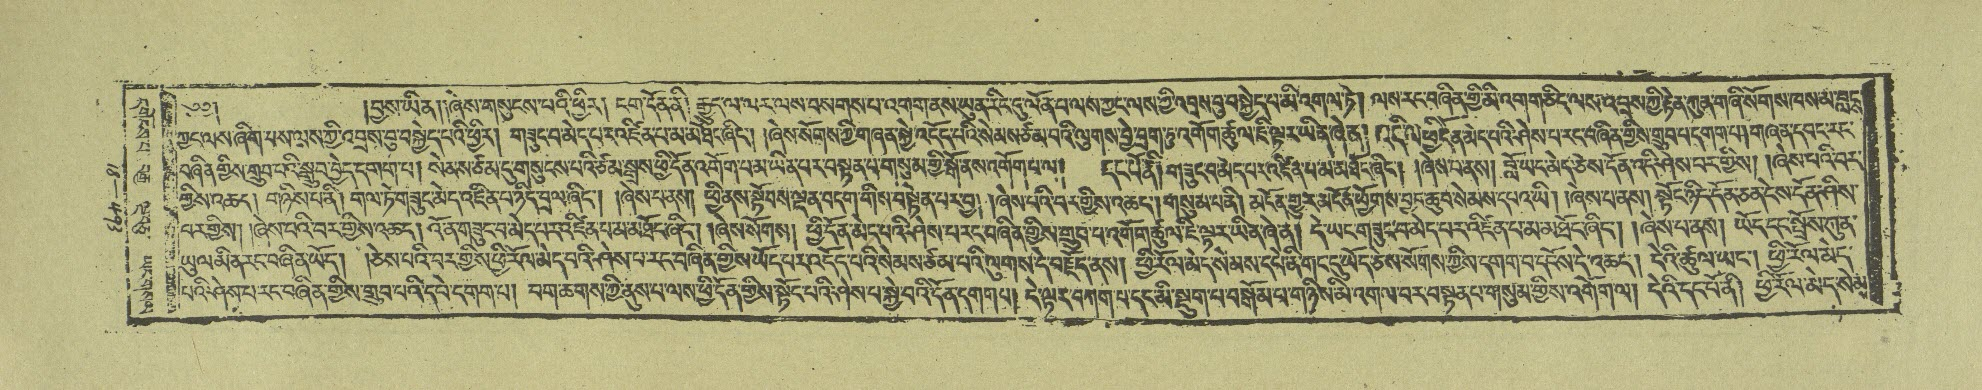༄༅། །བྱས་ཡིན། །ཞེས་གསུངས་པའི་ཕྱིར། ངག་དོན་ནི། རྒྱུད་ལ་ལར་ལས་བསགས་པ་འགག་ནས་ཡུན་རིང་དུ་ལོན་པ་ལས་ཀྱང་ལས་ཀྱི་འབྲས་བུ་བསྐྱེད་པ་མི་འགལ་ཏེ། ལས་རང་བཞིན་གྱི་མི་འགག་ཅིང་ལས་འབྲས་ཀྱི་རྟེན་ཀུན་གཞི་སོགས་ཁས་མ་བླངས་
ཀྱང་ལས་ཞིག་པས་ལས་ཀྱི་འབྲས་བུ་བསྐྱེད་པའི་ཕྱིར། གཟུང་བ་མེད་པར་འཛིན་པ་མ་མཐོང་ཞིང་། །ཞེས་སོགས་ཀྱི་གཞན་སྐྱེ་འདོད་པའི་སེམས་ཙམ་པའི་ལུགས་བྱེ་བྲག་ཏུ་འགོག་ཚུལ་ཇི་ལྟར་ཡིན་ཞེ་ན། འདི་ལ་ཕྱི་དོན་མེད་པའི་ཤེས་པ་རང་བཞིན་གྱིས་གྲུབ་པ་དགག་པ། གཞན་དབང་རང་
བཞིན་གྱིས་གྲུབ་པའི་སྒྲུབ་བྱེད་དགག་པ། སེམས་ཙམ་དུ་གསུངས་པའི་ཙམ་སྒྲས་ཕྱི་དོན་འགོག་པ་མ་ཡིན་པར་བསྟན་པ་གསུམ་གྱི་སྒོ་ནས་འགོག་པ་ལ། དང་པོ་ནི། གཟུང་བ་མེད་པར་འཛིན་པ་མ་མཐོང་ཞིང་། །ཞེས་པ་ནས། བློ་ཡང་མེད་ཅེས་དོན་འདི་ཤེས་པར་གྱིས། །ཞེས་པའི་བར་
གྱིས་འཆད། གཉིས་པ་ནི། གལ་ཏེ་གཟུང་མེད་འཛིན་པ་ཉིད་བྲལ་ཞིང་། །ཞེས་པ་ནས། ཕྱི་ནས་སྟོབས་ལྡན་བདག་གིས་བསྟེན་པར་བྱ། །ཞེས་པའི་བར་གྱིས་འཆང་། གསུམ་པ་ནི། མངོན་གྱུར་མངོན་ཕྱོགས་བྱང་ཆུབ་སེམས་དཔའ་ཡི། །ཞེས་པ་ནས། སྟོང་ཉིད་དོན་ཅན་ངེས་དོན་ཤིས་
པར་གྱིས། །ཞེས་པའི་བར་གྱིས་འཆང་། འོ་ན་གཟུང་བ་མེད་པར་འཛིན་པ་མ་མཐོང་ཞིང་། །ཞེས་སོགས། ཕྱི་དོན་མེད་པའི་ཤེས་པ་རང་བཞིན་གྱིས་གྲུབ་པ་འགོག་ཚུལ་ཇི་ལྟར་ཡིན་ཞེ་ན། དེ་ཡང་གཟུང་བ་མེད་པར་འཛིན་པ་མ་མཐོང་ཞིང་། །ཞེས་པ་ནས། ཡོད་དང་སྤྲོས་ཀུན་
ཡུལ་མིན་རང་བཞིན་ཡོད། །ཅེས་པའི་བར་གྱིས་ཕྱི་རོལ་མེད་པའི་ཤེས་པ་རང་བཞིན་གྱིས་ཡོད་པར་འདོད་པའི་སེམས་ཙམ་པའི་ལུགས་དེ་བརྗོད་ནས། ཕྱི་རོལ་མེད་སེམས་དཔེ་ནི་གང་དུ་ཡོད་ཅེས་སོགས་ཀྱིས་དགག་པ་དངོས་དེ་འཆད། དེའི་ཚུལ་ཡང་། ཕྱི་རོལ་མེད་
པའི་ཤེས་པ་རང་བཞིན་གྱིས་གྲུབ་པའི་དཔེ་དགག་པ། བག་ཆགས་ཀྱི་ནུས་པ་ལས་ཕྱི་དོན་གྱིས་སྟོང་པའི་ཤེས་པ་སྐྱེ་བའི་དོན་དགག་པ། དེ་ལྟར་བཀག་པ་དང་མི་སྡུག་པ་བསྒོམ་པ་གཉིས་མི་འགལ་བར་བསྟན་པ་གསུམ་གྱིས་འགོག་ལ། དེའི་དང་པོ་ནི། ཕྱི་རོལ་མེད་སེམས་